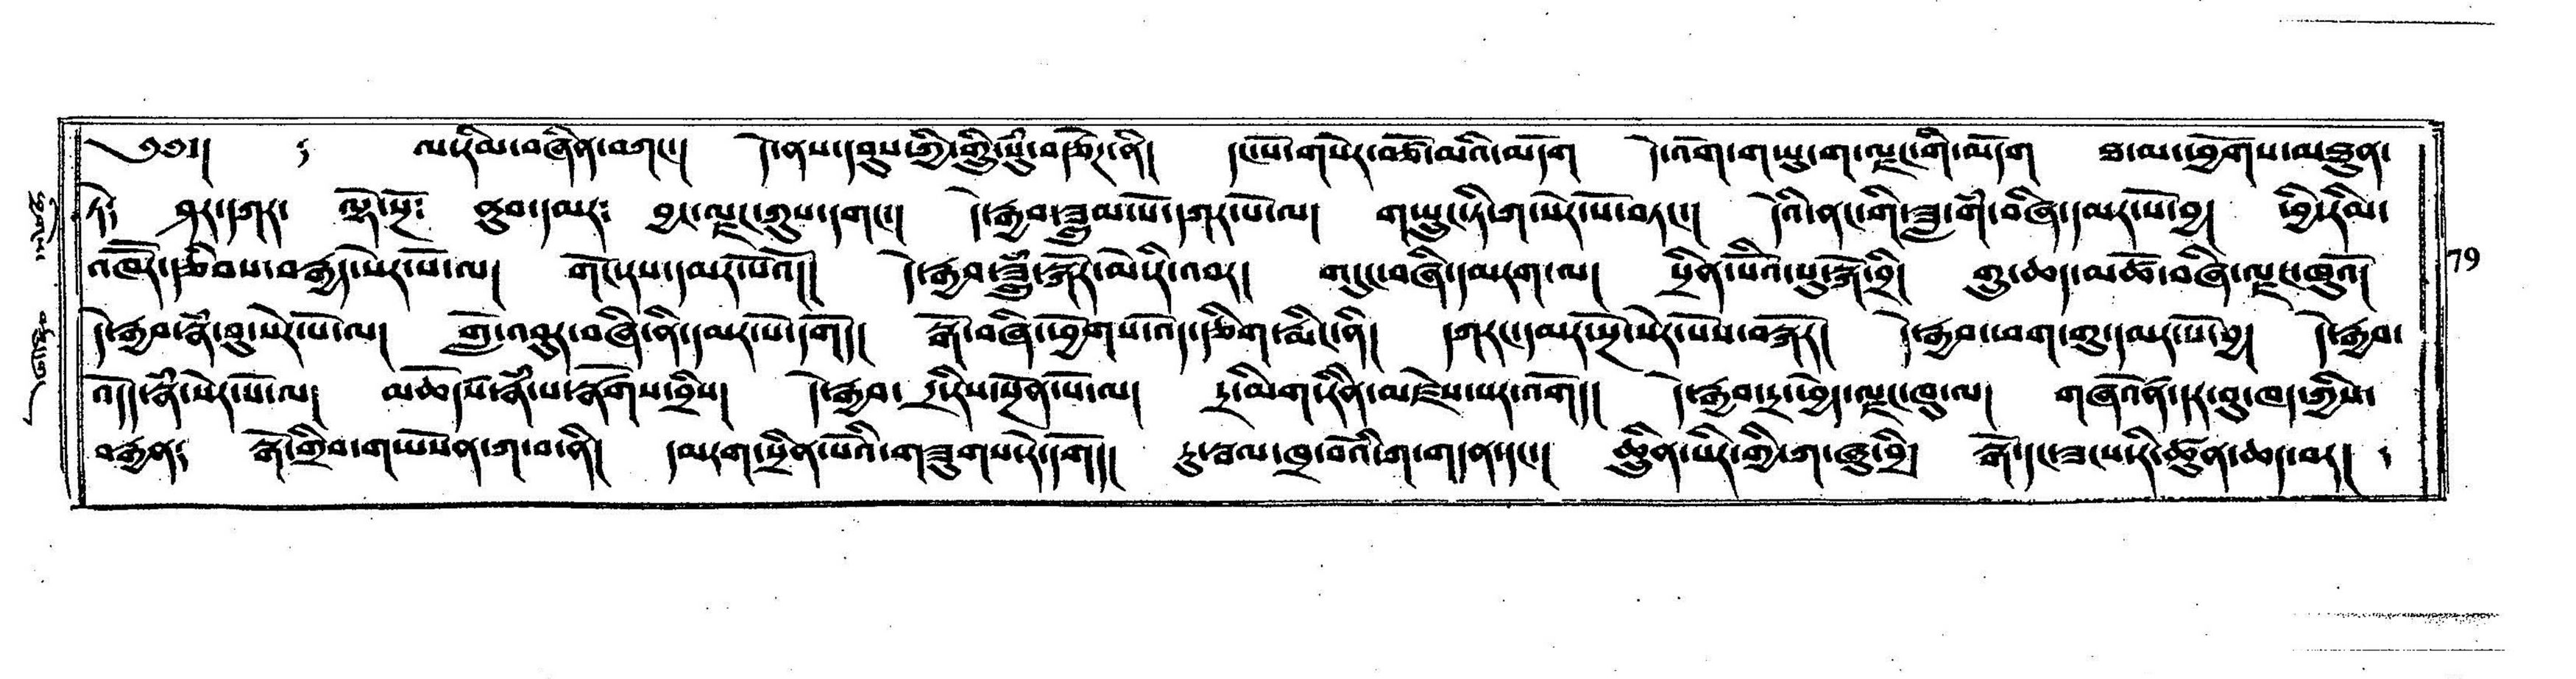ལ་རིམ་བཞིན་བཀང་། དེ་ནས་དབུས་ཀྱི་གྲུ་བཞི་སུམ་བརྩེགས་ནི། དང་པོ་གསེར་བཙོ་མའི་མདོག དེ་འོག་གཡུ་ག་ལྗང་གི་མདོག ཐ་མ་ཕྱོགས་མཐུན་
ཏེ། ཤར་དཀར༴ ལྷོ་སྔོ༴ ནུབ་དམར༴ བྱང་ལྗང་ཀུས་དགང་། དེ་རྒྱབ་ཟླུམ་པོ་དཀར་པོ་ལ། གཡུང་དྲུང་ཏི་ཀ་སེར་པོ་བཏང་། དེའི་ནང་གི་ཟླ་གམ་བཞི་དམར་པོ་བྱ། ཕྱི་རིམ་
འཁོར་ལོ་རྩིབས་བརྒྱད་སེར་པོ་ལ། གོང་རས་དམར་པོའོ།། དེ་རྒྱབ་ཟླུམ་སྐོར་མེ་རི་འབར། གདུང་བཞི་དམར་ནག་ལ། སྲིན་པོའི་པུ་སྐོ་བྲི། གྲུ་ཆད་མཚོ་བཞི་ལྗང་ཁུའོ། 
དེ་རྒྱབ་སྣམ་བུ་སེར་པོ་ལ། གློ་འབུར་བཞི་ནི་དམར་པོ་དགོད། སྒོ་བཞི་ཕྱོགས་འོད་རྩིག་རྨིང་ནི། དཀར་དང་དམར་སྔོ་སེར་པོས་བསྐོར། དེ་རྒྱབ་ཕག་གུ་དམར་པོ་བྱ། དེ་རྒྱབ་
འདོད་སྣམ་སེར་པོ་ལ། མཆོད་རྫས་རྣམ་པ་སྣ་ཚོགས་བྲིས། དེ་རྒྱབ་དྲ་རིས་སྔོན་པོ་ལ། དྲ་མིག་རིན་ཆེན་མཛེས་པར་འགོད། དེ་རྒྱབ་དྲ་ཕྱེད་ལྗང་ཁུ་ལ། གཞའ་ཚོན་དར་བུ་ཁད་ཀྱིས་
བརྒྱན། སྒོ་གྲིབ་གཡས་གཡོན་ཀ་བ་ནི། དམར་ནག་སྲིན་པོའི་གཟུགས་རེ་དགོད། རུ་སྦལ་ཁྲ་བོའི་ཀ་གདན་དང་། ཆུ་སྲིན་པིར་གྱི་ཀ་ཞུ་བྲི། སྒོ་དང་ཟངས་རི་ཚུན་ཆད་བར།